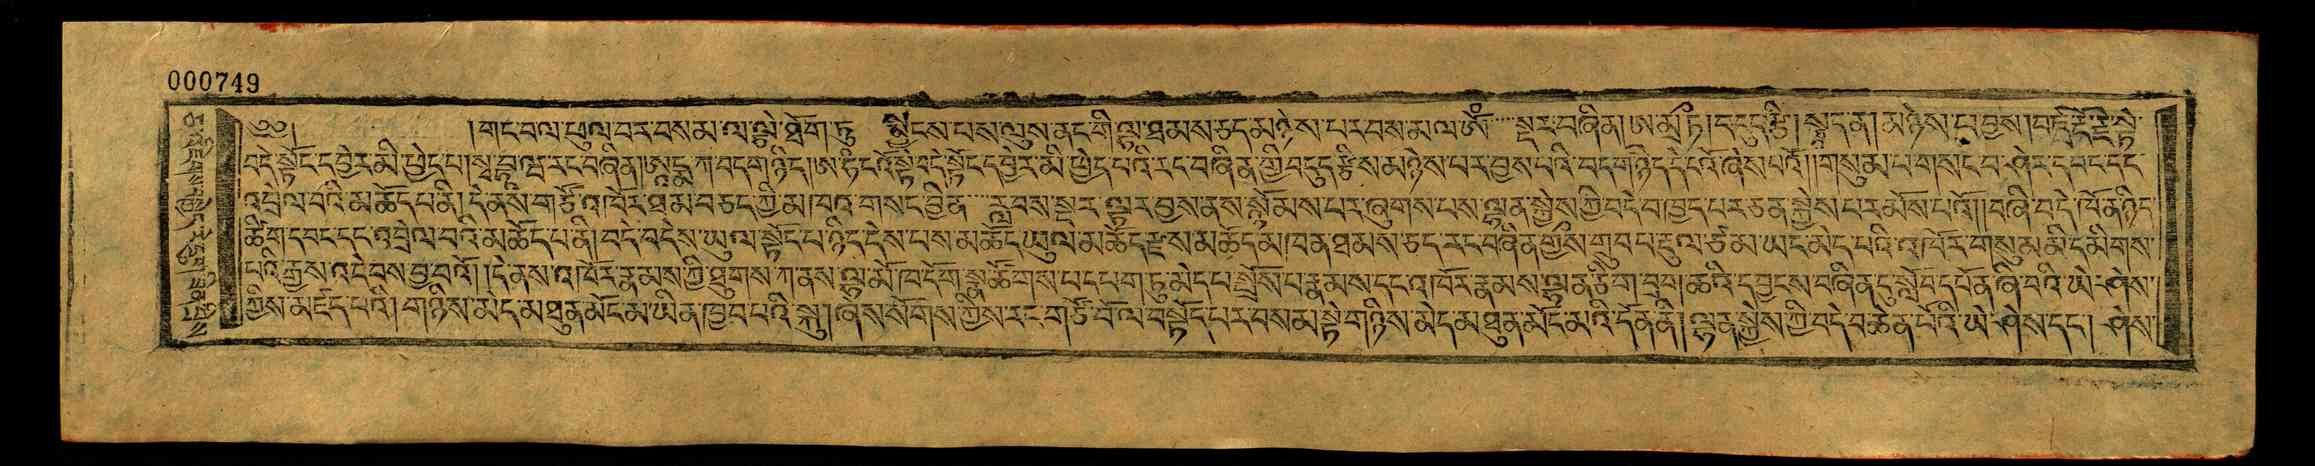༄༅། །གང་བ་ལ་ཕུལ་བར་བསམ་ལ་ལྕེ་ཐོག་ཏུ་མྱངས་པས་ལུས་ནང་གི་ལྷ་ཐམས་ཅད་མཉེས་པར་བསམ་ལ། ཨོཾ་སྔར་བཞིན། ཨ་མྲྀ་ཏ། བདུད་རྩི། སྭཱ་ད་ན། མཉེས་པ་བྱས། བཛྲ་རྡོ་རྗེ་སྟེ་
བདེ་སྟོང་དབྱེར་མི་ཕྱེད་པ། སྭ་བྷཱ་ཝ་རང་བཞིན། ཨཱ་དམ་ཀ་བདག་ཉིད། ཨ་ཧཾ་ངའོ་སྟེ་བདེ་སྟོང་དབྱེར་མི་ཕྱེད་པའི་རང་བཞིན་གྱི་བདུད་རྩིས་མཉེས་པར་བྱས་པའི་བདག་ཉིད་དེ་ངའོ་ཞེས་པའོ། །གསུམ་པ་གསང་བ་ཤེར་དབང་དང་
འབྲེལ་བའི་མཆོད་པ་ནི། དེ་ནས་གཙོ་འཁོར་ཐམས་ཅད་ཀྱི་མཁའ་གསང་བྱིན་རླབས་སྔར་ལྟར་བྱས་ནས་སྙོམས་པར་ཞུགས་པས་ལྷན་སྐྱེས་ཀྱི་བདེ་བ་ཁྱད་པར་ཅན་སྐྱེས་པར་མོས་པའོ། །བཞི་བ་དེ་ཁོ་ན་ཉིད་
ཚིག་དབང་དང་འབྲེལ་བའི་མཆོད་པ་ནི། བདེ་བ་དེས་ཡུལ་སྟོང་པ་ཉིད་ངེས་པས་མཆོད་ཡུལ་མཆོད་རྫས་མཆོད་མཁན་ཐམས་ཅད་རང་བཞིན་གྱིས་གྲུབ་པ་རྡུལ་ཙམ་ཡང་མེད་པའི་འཁོར་གསུམ་མི་དམིགས་
པའི་རྒྱས་འདེབས་བྱ་བའོ། །དེ་ནས་འཁོར་རྣམས་ཀྱི་ཐུགས་ཀ་ནས་ལྷ་མོ་ཁ་དོག་སྣ་ཚོགས་པ་དཔག་ཏུ་མེད་པ་སྤྲོས་པ་རྣམས་དང་འཁོར་རྣམས་ལྷན་ཅིག་བྲག་ཆའི་དབྱངས་བཞིན་དུ་སློབ་དཔོན་ཞི་བའི་ཡེ་ཤེས་
ཀྱིས་མཛད་པའི། གཉིས་མེད་མཐུན་མོང་མ་ཡིན་ཁྱབ་པའི་སྐུ། ཞེས་སོགས་ཀྱིས་རང་གཙོ་བོ་ལ་བསྟོད་པར་བསམ་སྟེ་གཉིས་མེད་མཐུན་མོང་མའི་དོན་ནི། ལྷན་སྐྱེས་ཀྱི་བདེ་བ་ཆེན་པོའི་ཡེ་ཤེས་དང་། ཤེས་